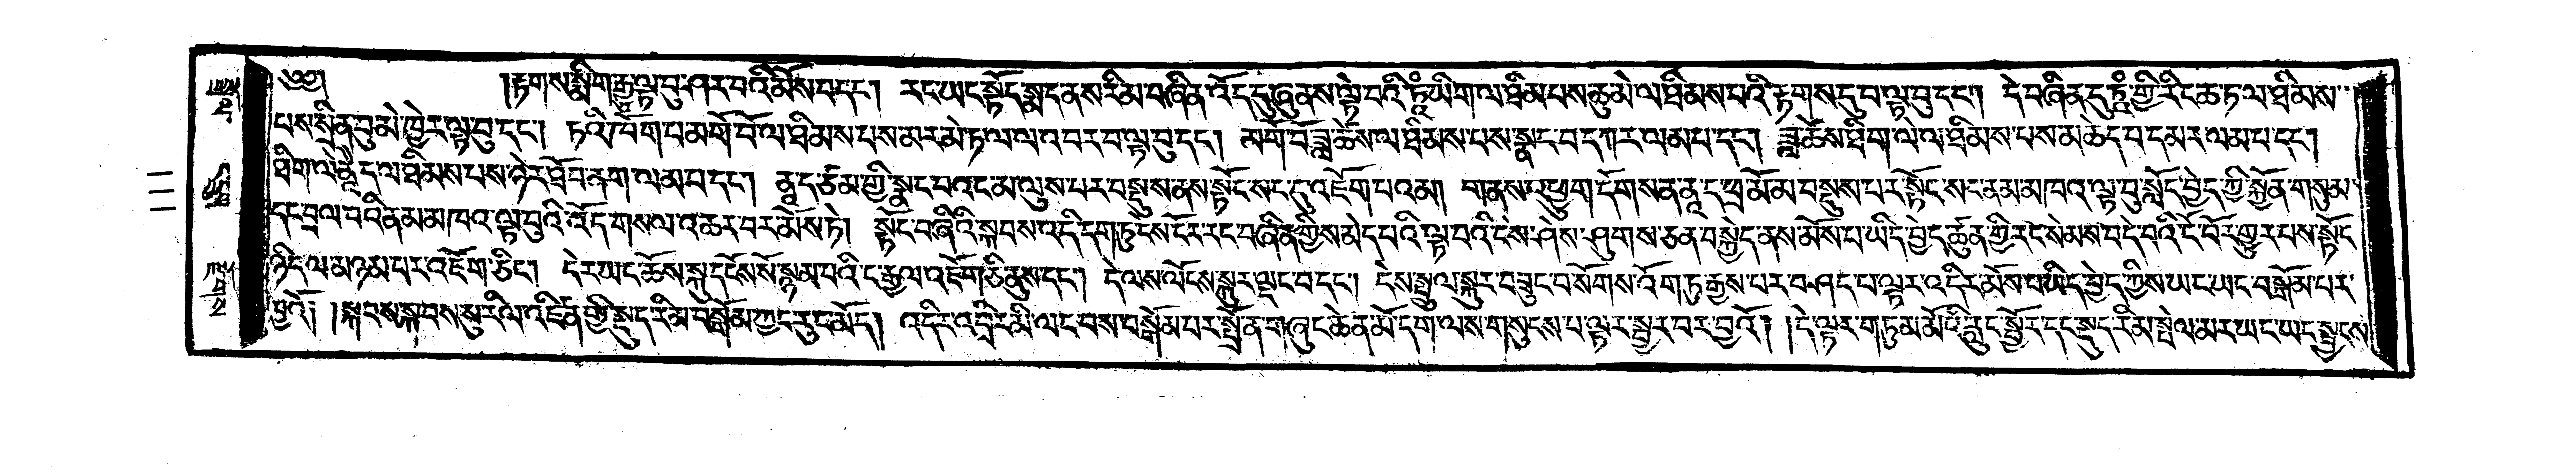༄༅། །རྟགས་སྨིག་རྒྱུ་ལྟ་བུ་ཤར་བའི་མོས་པ་དང་། རང་ཡང་སྟོད་སྨད་ནས་རིམ་བཞིན་འོད་དུ་ཞུ་ནས་ལྟེ་བའི་ཏཱཾ་ཡིག་ལ་ཐིམས་པས་ཆུ་མེ་ལ་ཐིམས་པའི་རྟགས་དུ་བ་ལྟ་བུ་དང་། དེ་བཞིན་དུ་ཏཱཾ་གྱི་རིང་ཆ་ཏ་ལ་ཐིམ་ཀཱ་
པས་སྲིན་བུ་མེ་ཁྱེར་ལྟ་བུ་དང་། ཏའི་ཁོག་པ་མགོ་བོ་ལ་ཐིམས་པས་མར་མེ་ཏ་ལ་ལ་འབར་བ་ལྟ་བུ་དང་། མགོ་བོ་ཟླ་ཚེས་ལ་ཐིམས་པས་སྣང་བ་དཀར་ལམ་པ་དང་། ཟླ་ཚེས་ཐིག་ལེ་ལ་ཐིམ་པས་མཆེད་པ་དམར་ལམ་པ་དང་།
ཐིག་ལེ་ནཱ་ད་ལ་ཐིམས་པས་ཉེར་ཐོབ་ནག་ལམ་བ་དང་། ནཱ་ད་ཙམ་གྱི་སྣད་བའང་མ་ལུས་པར་བསྡུས་ནས་སྟོང་སང་དུ་འཇོག་པའམ། གནས་འཕྱུགས་དོགས་ན་ནཱ་ད་ཕྲ་མོ་མ་བསྡུས་པར་སྟོང་སང་ནམ་མཁའ་ལྟ་བུ་སློད་བྱེད་ཀྱི་སྐྱོན་གསུམ་
དང་བྲལ་བའི་ནམ་མཁའ་ལྟ་བུའི་འོད་གསལ་འཆར་བར་མོས་ཏེ། སྟོང་བཞིའི་སྐབས་འདི་དག་ཏུ་ངེས་ངོར་རང་བཞིན་གྱིས་མེད་པའི་ལྟ་བའི་ངེས་ཤེས་ཤུགས་ཅན་བསྐྱེད་ནས་མོས་པ་ཡིད་བྱེད་ཚུན་གྱི་རང་སེམས་བདེ་བའི་ངོ་བོར་གྱུར་པས་སྟོང་
ཉིད་ལ་མཉམ་པར་འཇོག་ཅིང་། དེར་ཡང་ཆོས་སྐུ་དངོས་སོ་སཱ་མ་པའི་ང་རྒྱལ་འཇོག་ཅི་ནུས་དང་། དེ་ལས་ལོངས་སྐུར་ལྡང་པ་དང་། དེས་སྤྲུལ་སྐུར་བཟུང་བ་སོགས་འོག་ཏུ་རྒྱས་པར་བཤད་པ་ལྟར་འདིར་མོས་པ་ཡིད་བྱེད་ཀྱིས་ཡང་ཡང་བསྒོམ་པར་
བྱའོ༑ །སྐབས་སྐབས་སུ་རིལ་འཛིན་གྱི་སྡུད་རིམ་བསྒོམས་ཀྱང་རུང་མོད། འདིར་འདྲིར་མི་ལང་པས་བསྒོམ་པར་སྤྲོ་ན་གཞུང་ཆེན་མོ་དག་ལས་གསུངས་པ་ལྟར་སྦྱར་བར་བྱའོ། །དེ་ལྟར་གཏུམ་མོའི་རླུང་སྦྱོར་དང་སྡུད་རིམ་སྤེལ་མར་ཡང་ཡང་སྦྱངས་